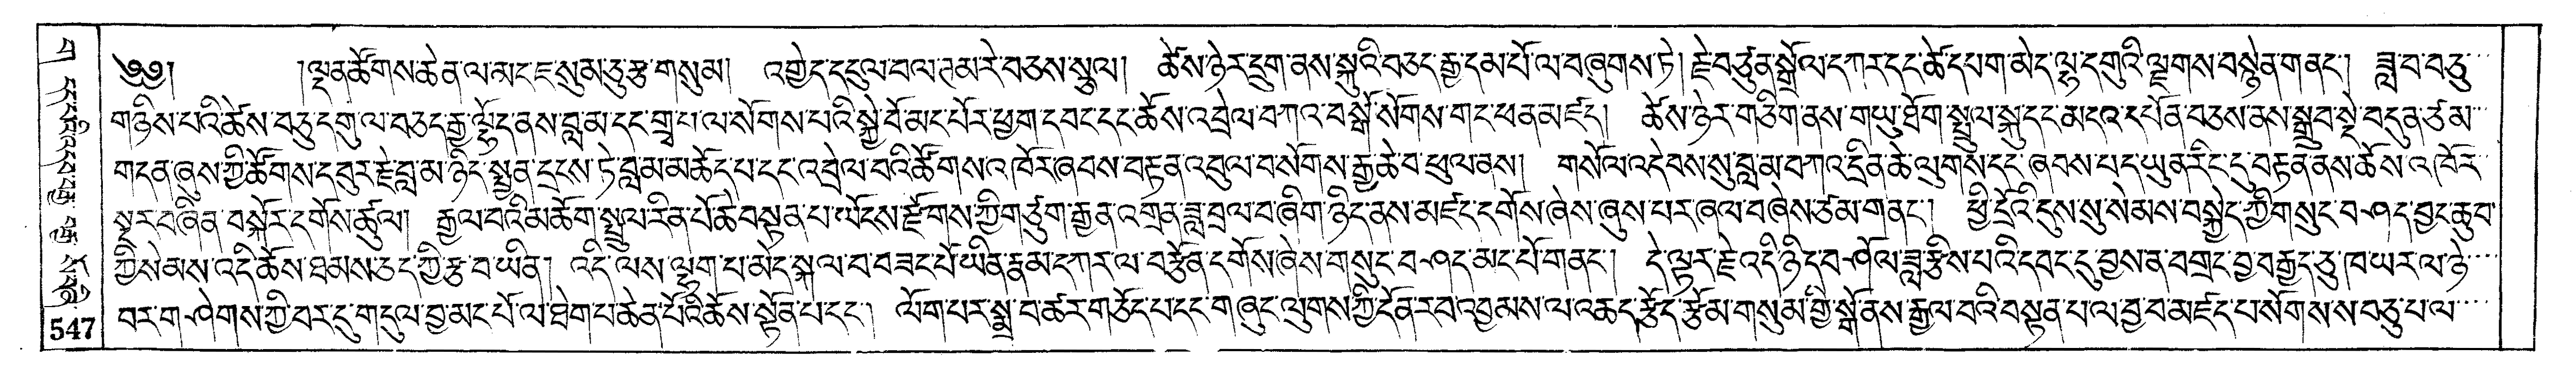༄༅། །ལྡན་ཚོགས་ཆེན་ལ་མང་ཇ་སུམ་ཅུ་རྩ་གསུམ། འགྱེད་དངུལ་བལ་ཊམ་རེ་བཅས་སྩལ། ཚེས་ཉེར་དྲུག་ནས་སྐུའི་བཅད་རྒྱ་དམ་པོ་ལ་བཞུགས་ཏེ། རྗེ་བཙུན་སྒྲོལ་དཀར་དང་ཚེ་དཔག་མེད་ལྷ་དགུའི་ལྗགས་བསྙེན་གནང་། ཟླ་བ་བཅུ་
གཉིས་པའི་ཚེས་བཅུ་དགུ་ལ་བཅད་རྒྱ་ལྷོད་ནས་བླ་མ་དང་གྲྭ་པ་ལ་སོགས་པའི་སྐྱེ་བོ་མང་པོར་ཕྱག་དབང་དང་ཆོས་འབྲེལ་བཀའ་བསྒོ་སོགས་གང་ཕན་མཛད། ཚེས་ཉེར་གཅིག་ནས་གཡུ་ཐོག་སྤྲུལ་སྐུ་དང་མདའ་དཔོན་བཅས་ནས་སྒྲུབ་སྡེ་བདུན་ཙམ་
གདན་ཞུས་ཀྱི་ཚོགས་དབུར་རྗེ་བླ་མ་ཉིད་སྦྱན་དྲངས་ཏེ་བླ་མ་མཆོད་པ་དང་འབྲེལ་བའི་ཚོགས་འཁོར་ཞབས་བརྟན་འབུལ་བ་སོགས་རྒྱ་ཆེ་བ་ཕུལ་ནས། གསོལ་འདེབས་སུ་བླ་མ་བཀའ་དྲིན་ཆེ་ལུགས་དང་ཞབས་པད་ཡུན་རིང་དུ་བརྟན་ནས་ཆོས་འཁོར་
སྔར་བཞིན་བསྐོར་དགོས་ཚུལ། རྒྱལ་བའི་མཆོག་སྤྲུལ་རིན་པོ་ཆེ་བསྟན་པ་ཡོངས་རྫོགས་ཀྱི་གཙུག་རྒྱན་འགྲན་ཟླ་བྲལ་བཞིག་ཉིད་ནས་མཛད་དགོས་ཞེས་ཞུས་པར་ཞལ་བཞེས་ཙམ་གནང་། ཕྱི་དྲོའི་དུས་སུ་སེམས་བསྐྱེད་ཀྱི་གསུང་བཤད་བྱང་ཆུབ་
ཀྱི་སེམས་འདི་ཆོས་ཐམས་ཅད་ཀྱི་རྩ་བ་ཡིན། འདི་ལས་ལྷག་པ་མེད་སྐལ་བ་བཟང་པོ་ཡིན་རྣམ་དཀར་ལ་བརྩོན་དགོས་ཞེས་གསུང་བཤང་མང་པོ་གནང་། དེ་ལྟར་རྗེ་འདི་ཉིད་བཤོལ་ཟླ་རྩིས་པའི་དབང་དུ་བྱས་ན་བགྲད་བྱ་བརྒྱད་ཅུ་ཁ་ཡར་ལ་ཉེ་
པར་གཤེགས་ཀྱི་བར་དུ་གདུལ་བྱ་མང་པོ་ལ་ཐེག་པ་ཆེན་པོའི་ཆོས་སྟོན་པ་དང་། ལོག་པར་སྨྲ་བ་ཚར་གཅོད་པ་དང་གཞུང་ལུགས་ཀྱི་དོན་རབ་འབྱམས་ལ་འཆད་རྩོད་རྩོམ་གསུམ་གྱི་སྒོ་ནས་རྒྱལ་བའི་བསྟན་པ་ལ་བྱ་བ་མཛད་པ་སོགས་ས་བཅུ་པ་ལ་